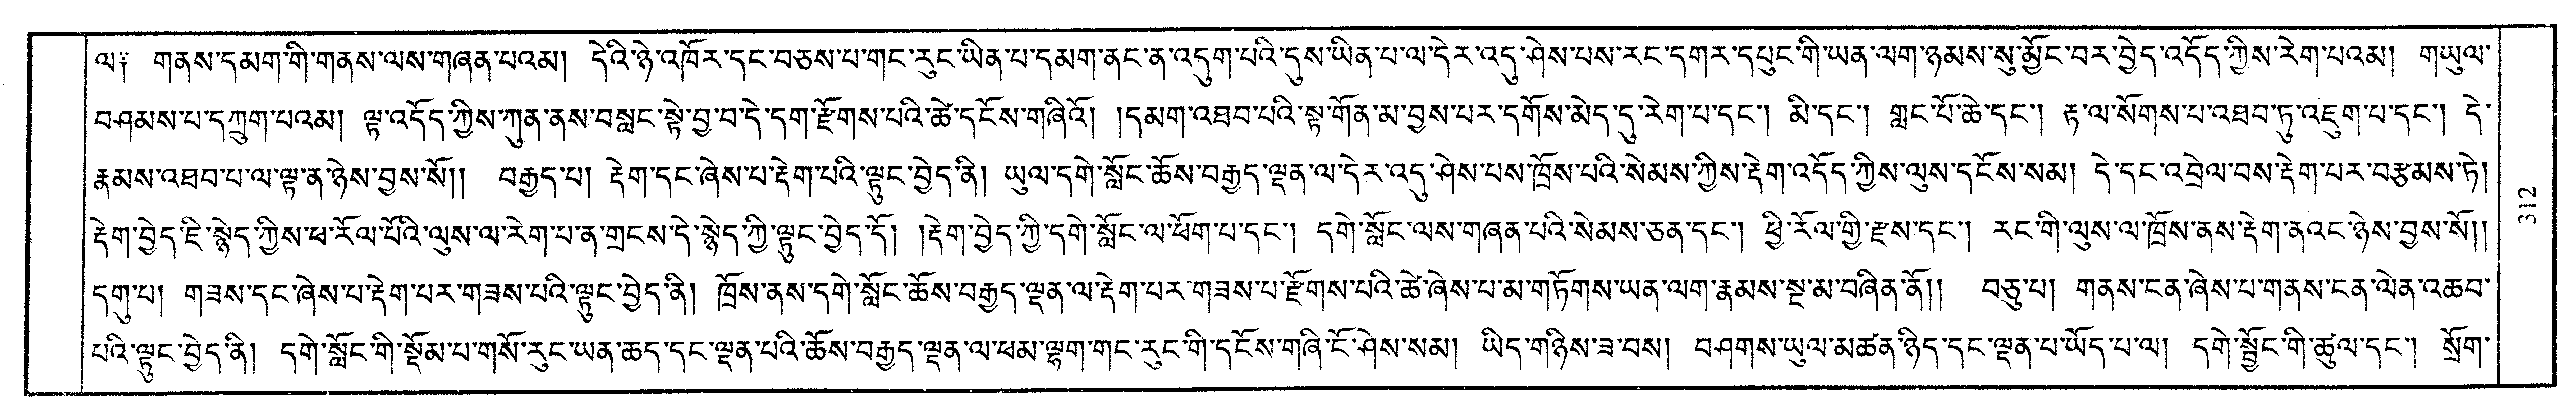ལ༑ གནས་དམག་གི་གནས་ལས་གཞན་པའམ། དེའི་ཉེ་འཁོར་དང་བཅས་པ་གང་རུང་ཡིན་པ་དམག་ནང་ན་འདུག་པའི་དུས་ཡིན་པ་ལ་དེར་འདུ་ཤེས་པས་རང་དགར་དཔུང་གི་ཡན་ལག་ཉམས་སུ་མྱོང་བར་བྱེད་འདོད་ཀྱིས་རེག་པའམ། གཡུལ་
བཤམས་པ་དཀྲུག་པའམ། ལྟ་འདོད་ཀྱིས་ཀུན་ནས་བསླང་སྟེ་བྱ་བ་དེ་དག་རྫོགས་པའི་ཚེ་དངོས་གཞིའོ། །དམག་འཐབ་པའི་སྟ་གོན་མ་བྱས་པར་དགོས་མེད་དུ་རེག་པ་དང་། མི་དང་། གླང་པོ་ཆེ་དང་། རྟ་ལ་སོགས་པ་འཐབ་ཏུ་འཇུག་པ་དང་། དེ་
རྣམས་འཐབ་པ་ལ་ལྟ་ན་ཉེས་བྱས་སོ།། བརྒྱད་པ། རྡེག་དང་ཞེས་པ་རྡེག་པའི་ལྟུང་བྱེད་ནི། ཡུལ་དགེ་སློང་ཆོས་བརྒྱད་ལྡན་ལ་དེར་འདུ་ཤེས་པས་ཁྲོས་པའི་སེམས་ཀྱིས་རྡེག་འདོད་ཀྱིས་ལུས་དངོས་སམ། དེ་དང་འབྲེལ་བས་རྡེག་པར་བརྩམས་ཏེ།
རྡེག་བྱེད་ཇི་སྙེད་ཀྱིས་ཕ་རོལ་པོའི་ལུས་ལ་རེག་པ་ན་གྲངས་དེ་སྙེད་ཀྱི་ལྟུང་བྱེད་དོ། །རྡེག་བྱེད་ཀྱི་དགེ་སློང་ལ་ཕོག་པ་དང་། དགེ་སློང་ལས་གཞན་པའི་སེམས་ཅན་དང་། ཕྱི་རོལ་གྱི་རྫས་དང་། རང་གི་ལུས་ལ་ཁྲོས་ནས་རྡེག་ནའང་ཉེས་བྱས་སོ།།
དགུ་པ། གཟས་དང་ཞེས་པ་རྡེག་པར་གཟས་པའི་ལྟུང་བྱེད་ནི། ཁྲོས་ནས་དགེ་སློང་ཆོས་བརྒྱད་ལྡན་ལ་རྡེག་པར་གཟས་པ་རྫོགས་པའི་ཚེ་ཞེས་པ་མ་གཏོགས་ཡན་ལག་རྣམས་སྔ་མ་བཞིན་ནོ།། བཅུ་པ། གནས་ངན་ཞེས་པ་གནས་ངན་ལེན་འཆབ་
པའི་ལྟུང་བྱེད་ནི། དགེ་སློང་གི་སྡོམ་པ་གསོ་རུང་ཡན་ཆད་དང་ལྡན་པའི་ཆོས་བརྒྱད་ལྡན་ལ་ཕམ་ལྷག་གང་རུང་གི་དངོས་གཞི་ངོ་ཤེས་སམ། ཡིད་གཉིས་ཟ་བས། བཤགས་ཡུལ་མཚན་ཉིད་དང་ལྡན་པ་ཡོད་པ་ལ། དགེ་སྦྱོང་གི་ཚུལ་དང་། སྲོག་